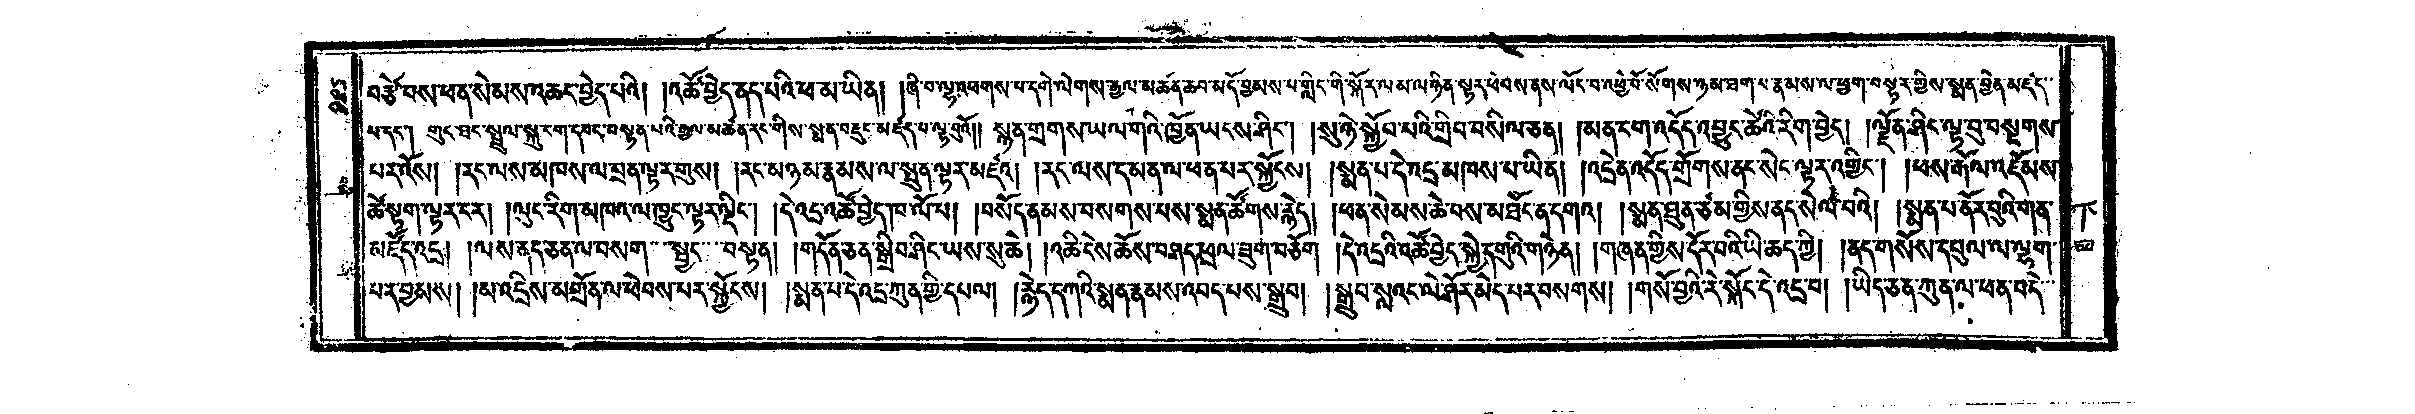བརྩེ་བས་ཕན་སེམས་འཆང་བྱེད་པའི། །འཚོ་བྱེད་ནད་པའི་ཕ་མ་ཡིན། །ཞི་བ་ལྷ་འཕགས་པ་དགེ་ལེགས་རྒྱལ་མཚན་ཆབ་མདོ་བྱམས་པ་གླིང་གི་སྐོར་ལམ་ལ་ཉིན་སྟར་ཕེབས་ནས་ལོང་བ་འཕྱེ་བོ་སོགས་ཉམ་ཐག་པ་རྣམས་ལ་ཕྱག་བསྟར་གྱིས་སྨན་བྱིན་མཛད་
པ་དང་། གུང་ཐང་སྤྲུལ་སྐུ་ངག་དབང་བསྟན་པའི་རྒྱལ་མཚན་རང་གིས་སྨན་བརྡུང་མཛད་པ་ལྟ་བུའོ། །སྙན་གྲགས་ཡལ་གའི་ཁྱོན་ཡངས་ཤིང་། །སུ་ཉེ་སྐྱོབ་པའི་གྲིབ་བསིལ་ཅན། །མན་ངག་འདོད་འབྱུང་ཚེའི་རིག་བྱེད། །ལྗོན་ཤིང་ལྟ་བུ་བསྔགས་
པར་འོས། །རང་ལས་མཁས་ལ་བྲན་ལྟར་གུས། །རང་མཉམ་རྣམས་ལ་སྤུན་ལྟར་མཛའ། །རང་ལས་དམན་ལ་ཕན་པར་སྐྱོངས། །སྨན་པ་དེ་འདྲ་མཁས་པ་ཡིན། །འདྲེན་འདོད་གྲོགས་ནང་སེང་ལྟར་འགྱིང་། །ཕས་རྒོལ་འཇོམས་
ཚེ་སྟག་ལྟར་ངར། །ལུང་རིག་མཁའ་ལ་ཁྱུང་ལྟར་ལྡིང་། །དེ་འདྲ་འཚོ་བྱེད་ཁ་ལོ་པ། །བསོད་ནམས་བསགས་པས་སྨན་ཚོགས་རྙེད། །ཕན་སེམས་ཆེ་བས་མཐོང་ན་དགའ། །སྨན་ཐུན་ཙམ་གྱིས་ནད་སེལ་བའི། །སྨན་པ་ནོར་བུའི་གན་
མཛོད་འདྲ། །ལས་ནད་ཅན་ལ་བསག་སྦྱང་བསྟན། །གདོན་ཅན་སྒྲིབ་ཤིང་ཡས་སུ་ཆེ། །འཆི་ངེས་ཆོས་བཤད་ཕྲལ་ཟུག་བཅོག །དེ་འདྲའི་འཚོ་བྱེད་སྐྱེ་དགུའི་གཉེན། །གཞན་གྱིས་དོར་བའི་ཡི་ཆད་ཀྱི། །ནད་གསོས་དབུལ་ལ་ལྷག་
པར་བྱམས། །མ་འདྲིས་མགྲོན་ལ་ཕེབས་པར་སྐྱོངས། །སྨན་པ་དེ་འདྲ་ཀུན་གྱི་དཔལ། །རྙེད་དཀའི་སྨན་རྣམས་འབད་པས་སྒྲུབ། །སྒྲུབ་སླའང་ལེ་ཤོར་མེད་པར་བསགས། །གསོ་བྱའི་རེ་སྐོང་དེ་འདྲ་བ། །ཡིད་ཅན་ཀུན་ལ་ཕན་བདེ་